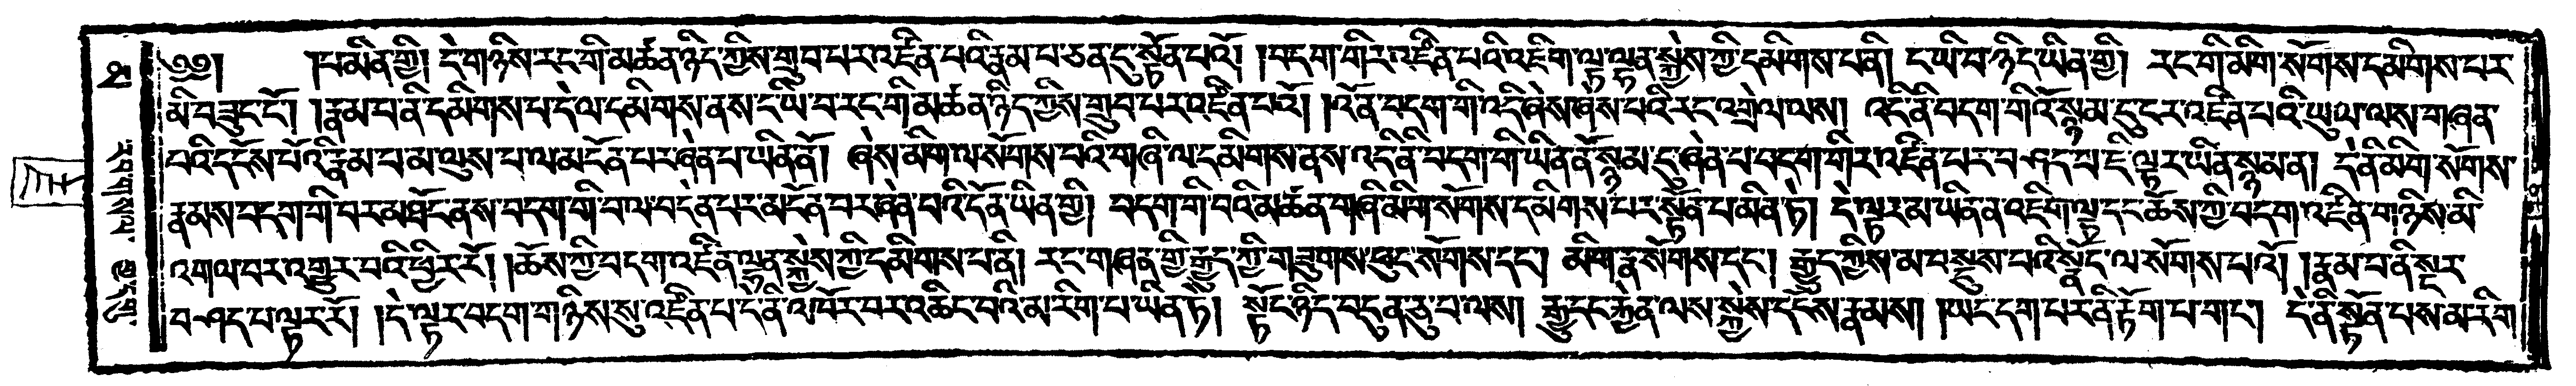།པ་མིན་གྱི། དེ་གཉིས་རང་གི་མཚན་ཉིད་ཀྱིས་གྲུབ་པར་འཛིན་པའི་རྣམ་པ་ཅན་དུ་སྟོན་པའོ། །བདག་གིར་འཛིན་པའི་འཇིག་ལྟ་ལྷན་སྐྱེས་ཀྱི་དམིགས་པ་ནི། ང་ཡི་བ་ཉིད་ཡིན་གྱི། རང་གི་མིག་སོགས་དམིགས་པར་
མི་བཟུང་ངོ། །རྣམ་པ་ནི་དམིགས་པ་དེ་ལ་དམིགས་ནས་ང་ཡི་བ་རང་གི་མཚན་ཉིད་ཀྱིས་གྲུབ་པར་འཛིན་པའོ། །འོ་ན་བདག་གི་འདི་ཞེས་ཞེས་པའི་རང་འགྲེལ་ལས། འདི་ནི་བདག་གིའོ་སྙམ་དུ་ངར་འཛིན་པའི་ཡུལ་ལས་གཞན་
པའི་དངོས་པོའི་རྣམ་པ་མ་ལུས་པ་ལ་མངོན་པར་ཞེན་པ་ཡིན་ནོ། ཞེས་མིག་ལ་སོགས་པའི་གཞི་ལ་དམིགས་ནས་འདི་ནི་བདག་གི་ཡིན་ནོ་སྙམ་དུ་ཞེན་པ་བདག་གིར་འཛིན་པར་བཤད་པ་ཇི་ལྟར་ཡིན་སྙམ་ན། དེ་ནི་མིག་སོགས་
རྣམས་བདག་གི་བར་མཐོང་ནས་བདག་གི་བ་ལ་བདེན་པར་མངོན་པར་ཞེན་པའི་དོན་ཡིན་གྱི། བདག་གི་བའི་མཚན་གཞི་མིག་སོགས་དམིགས་པར་སྟོན་པ་མིན་ཏེ། དེ་ལྟར་མ་ཡིན་ན་འཇིག་ལྟ་དང་ཆོས་ཀྱི་བདག་འཛིན་གཉིས་མི་
འགལ་བར་འགྱུར་བའི་ཕྱིར་རོ། །ཆོས་ཀྱི་བདག་འཛིན་ལྷན་སྐྱེས་ཀྱི་དམིགས་པ་ནི། རང་གཞན་གྱི་རྒྱུད་ཀྱི་གཟུགས་ཕུང་སོགས་དང་། མིག་རྣ་སོགས་དང་། རྒྱུད་ཀྱིས་མ་བསྡུས་པའི་སྣོད་ལ་སོགས་པའོ། །རྣམ་པ་ནི་སྔར་
བཤད་པ་ལྟར་རོ། །དེ་ལྟར་བདག་གཉིས་སུ་འཛིན་པ་དེ་ནི་འཁོར་བར་འཆིང་བའི་མ་རིག་པ་ཡིན་ཏེ། སྟོང་ཉིད་བདུན་ཅུ་པ་ལས། རྒྱུ་དང་རྐྱེན་ལས་སྐྱེས་དངོས་རྣམས། །ཡང་དག་པར་ནི་རྟོག་པ་གང་། དེ་ནི་སྟོན་པས་མ་རིག་